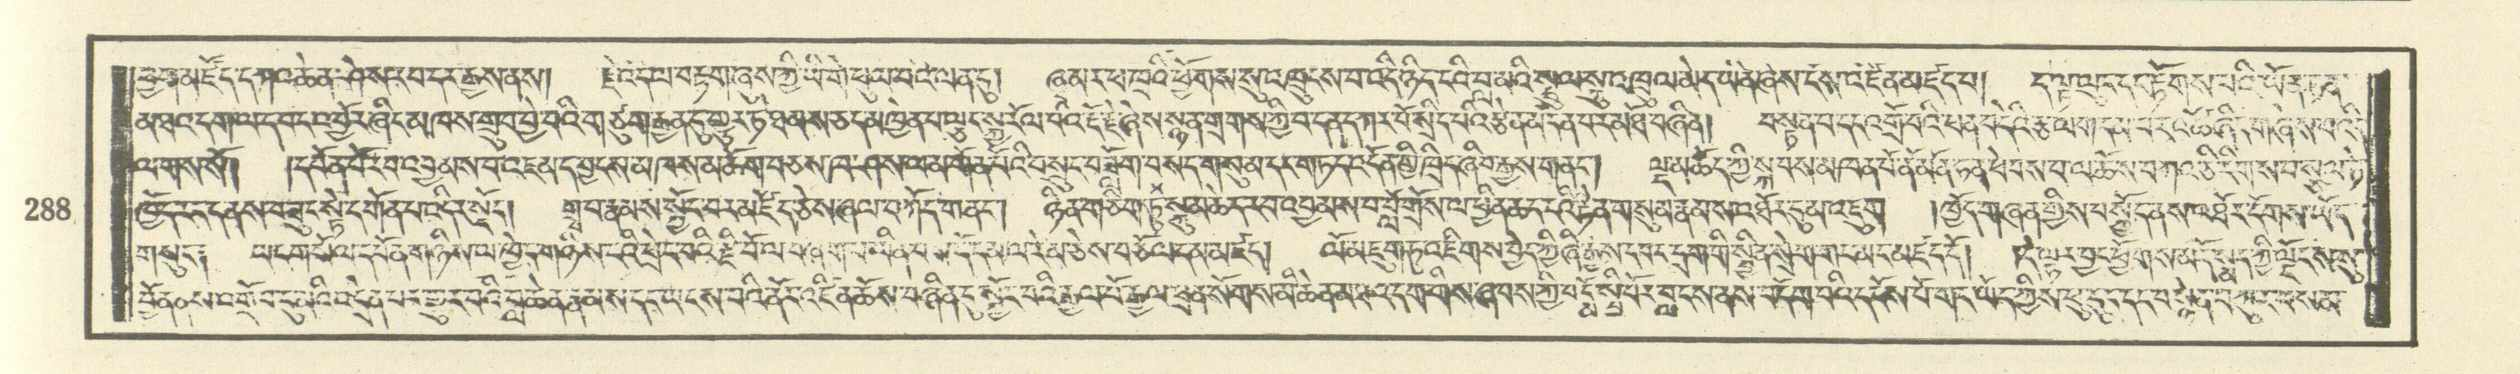ཕྱག་མཛོད་དཀའ་ཆེན་ཤེས་རབ་དར་རྒྱས་ནས། རྗེ་འདི་ལ་བརྟག་ཞུས་ཀྱི་ཡི་གེ་ཕུལ་བའི་ལན་དུ། ཞྭ་མར་ཕ་ཁྲའི་ཕྱོགས་སུ་འཁྲུངས་པ་འདི་ཉིད་ངའི་བླ་མའི་སྤྲུལ་སྐུ་འཁྲུལ་མེད་ཡིན་ཞེས་ངོས་འཛིན་མཛད་པ། ད་ལྟ་ལུང་དང་རྟོགས་པའི་ཡོན་ཏན་
མཐའ་དག་ལ་དབང་འབྱོར་ཞིང་མཁས་གྲུབ་བྱེ་བའི་གཙུག་རྒྱན་དུ་གྱུར་ཏེ་ཐམས་ཅད་མཁྱེན་པ་ལྕང་སྐྱ་རོལ་པའི་རྡོ་རྗེ་ཞེས་སྙན་གྲགས་ཀྱི་བ་དན་དཀར་པོ་སྲིད་པའི་རྩེན་མོ་དན་པར་མཐོ་བཞིན། བསྟན་པ་དང་འགྲོ་བའི་ཕན་བདེའི་རྩ་ལག་དམ་པར་འཚོ་ཞིད་གཞེས་པ་འདི་
ལགས་སོ། །དབོན་པོ་རབ་འབྱམས་པ་འཇམ་དབྱངས་མཁས་མཆོག་བཅས་ཁ་ཤས་ལ་མགོན་པོའི་བསྲུང་བཟློག་བསད་གསུམ་དང་གཏད་འདོན་གྱི་ཁྲིད་ཞིབ་རྒྱས་གནང་། ལྡ་མཆོད་ཀྱི་སྐབས་མཁན་པོ་ནོ་མོན་ཧན་ཕེབས་པ་ལ་ཆོས་བཀའ་ཅི་རིགས་པ་སྩལ་ཏེ་
ཁྱོད་རང་ད་ནས་བཟུང་སྟེ་དགོན་པ་འདིར་སྡོད། གྲྭ་པ་རྣམས་སྐྱོང་བར་མཛོད་ཅེས་ཞལ་བཀོད་གནང་། ཉིན་གཅིག་ཏུ་སྐུ་མཆེད་རབ་འབྱམས་པ་བློ་གྲོས་ལ་ཕྱིན་ཆད་ངའི་རྟེན་གསུམ་རྣམས་འཐོར་དུ་མ་འཇུག །ཁྱོད་གཞན་གྱིས་བསྐྱོད་ནས་འཐོར་དོགས་ཡོད་
གསུང༑ ཡང་གསོལ་དཔོན་གཉིས་ལ་ཁྱེད་གཉིས་ངའི་ཕྲེང་པའི་རྫི་བོ་ལ་བཞག་པ་ཡིན་པས་དོ་དམ་ལ་རེམ་ཅེས་བཅོལ་དམ་མཛད། ལོ་མཇུག་ཏུ་འཇིགས་བྱེད་ཀྱི་ཞི་རྒྱས་དབང་དྲག་གི་སྦྱིན་སྲེག་གང་མང་མཛད་དོ། །དེ་ལྟར་བྱང་ཕྱོགས་མདོ་སྨད་ཀྱི་ལྗོངས་སུ་
བྱོན་ནས་འགྲོ་བ་དུ་མའི་འདྲེན་པར་གྱུར་པའི་བླ་ཆེན་རྣམས་དང་ཡངས་བའི་ནོར་འཛིན་ཆོས་བཞིན་དུ་སྐྱོང་བའི་རྒྱལ་པོ་རྒྱལ་ཕྲན་སོགས་མི་ཆེན་མཐའ་དག་གིས་ཞབས་ཀྱི་པདམོ་སྤྱི་པོར་བླངས་ནས་བདོག་པའི་དངོས་པོ་གང་ཡོད་ཀྱིས་བྱུ?་དྲུད་དང་བསྙེན་བཀུར་བསམ་